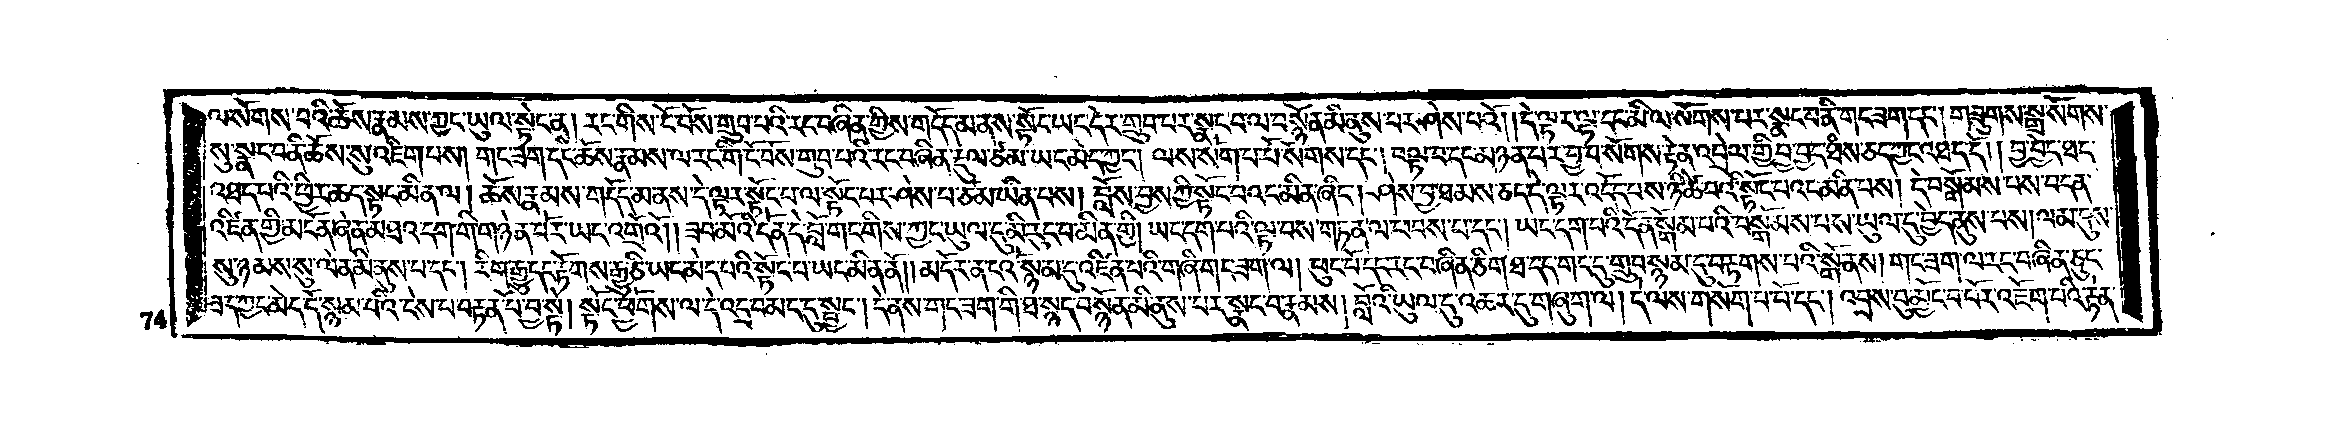ལ་སོགས་པའི་ཆོས་རྣམས་ཀྱང་ཡུལ་སྟེང་ནས། རང་གིས་ངོ་བོས་གྲུབ་པའི་རང་བཞིན་གྱིས་གདོད་མ་ནས་སྟོང་ཡང་དེར་གྲུབ་པར་སྣང་བ་ལ་བསྙོན་མི་ནུས་པར་ཤེས་པའོ། །དེ་ལྟར་ལྷ་དང་མི་ལ་སོགས་པར་སྣང་བ་ནི་གང་ཟག་དང་། གཟུགས་སྒྲ་སོགས་
སུ་སྣང་བ་ནི་ཆོས་སུ་འཇོག་པས། གང་ཟག་དང་ཆོས་རྣམས་ལ་རང་གི་ངོ་བོས་གྲུབ་པའི་རང་བཞིན་རྡུལ་ཙམ་ཡང་མེད་ཀྱང་། ལས་སོག་པ་པོ་སོགས་དང་། བལྟ་བ་དང་མཉན་པར་བྱ་བ་སོགས་རྟེན་འབྲེལ་གྱི་བྱ་བྱེད་ཐམས་ཅད་ཀྱང་འཐད་དོ། །བྱ་བྱེད་ཐམས་ཅད་
འཐད་པའི་ཕྱིར་ཆད་སྟང་མིན་ལ། ཆོས་རྣམས་གདོད་མ་ནས་དེ་ལྟར་སྟོང་པ་ལ་སྟོང་པར་ཤེས་པ་ཙམ་ཡིན་པས། བློས་བྱས་ཀྱི་སྟོང་པའང་མིན་ཞིང་། ཤེས་བྱ་ཐམས་ཅད་དེ་ལྟར་འདོད་པས་ཉི་ཚེ་བའི་སྟོང་པའང་མིན་པས། དེ་བསྒོམས་པས་བདེན་
འཛིན་གྱི་མངོན་ཞེན་མཐའ་དག་གི་གཉེན་པར་ཡང་འགྲོའོ། །ཟབ་མོའི་དོན་དེ་བློ་གང་གིས་ཀྱང་ཡུལ་དུ་མི་རུང་བ་མིན་གྱི། ཡང་དག་པའི་ལྟ་བས་གཏན་ལ་ཕབས་པ་དང་། ཡང་དག་པའི་དོན་སྒོམ་པའི་བསྒོམས་པས་ཡུལ་དུ་བྱེད་ནུས་པས། ལམ་དུས་
སུ་ཉམས་སུ་ལེན་མི་ནུས་པ་དང་། རིག་རྒྱུ་དང་རྟོགས་རྒྱུ་ཅི་ཡང་མེད་པའི་སྟོང་པ་ཡང་མིན་ནོ། །མདོར་ན་ངའོ་སྙམ་དུ་འཛིན་པའི་གཞི་གང་ཟག་ལ། ཕུང་པོ་དང་རང་བཞིན་ཅིག་ཐ་དད་གང་དུ་གྲུབ་སྙམ་དུ་བརྟགས་པའི་སྒོ་ནས། གང་ཟག་ལ་རང་བཞིན་ཅུང་
ཟད་ཀྱང་མེད་དོ་སྙམ་པའི་ངེས་པ་བརྟན་པོ་བྱ་སྟེ། སྟོང་ཕྱོགས་ལ་དེ་འདྲ་བ་མང་དུ་སྦྱང་། དེ་ནས་གང་ཟག་གི་ཐ་སྙད་བསྙོན་མི་ནུས་པར་སྣང་བ་རྣམས། བློའི་ཡུལ་དུ་འཆར་དུ་གཞུག་ལ། དེ་ལས་གསོག་པ་པོ་དང་། འབྲས་བུ་མྱོང་བ་པོར་འཇོག་པའི་རྟེན་